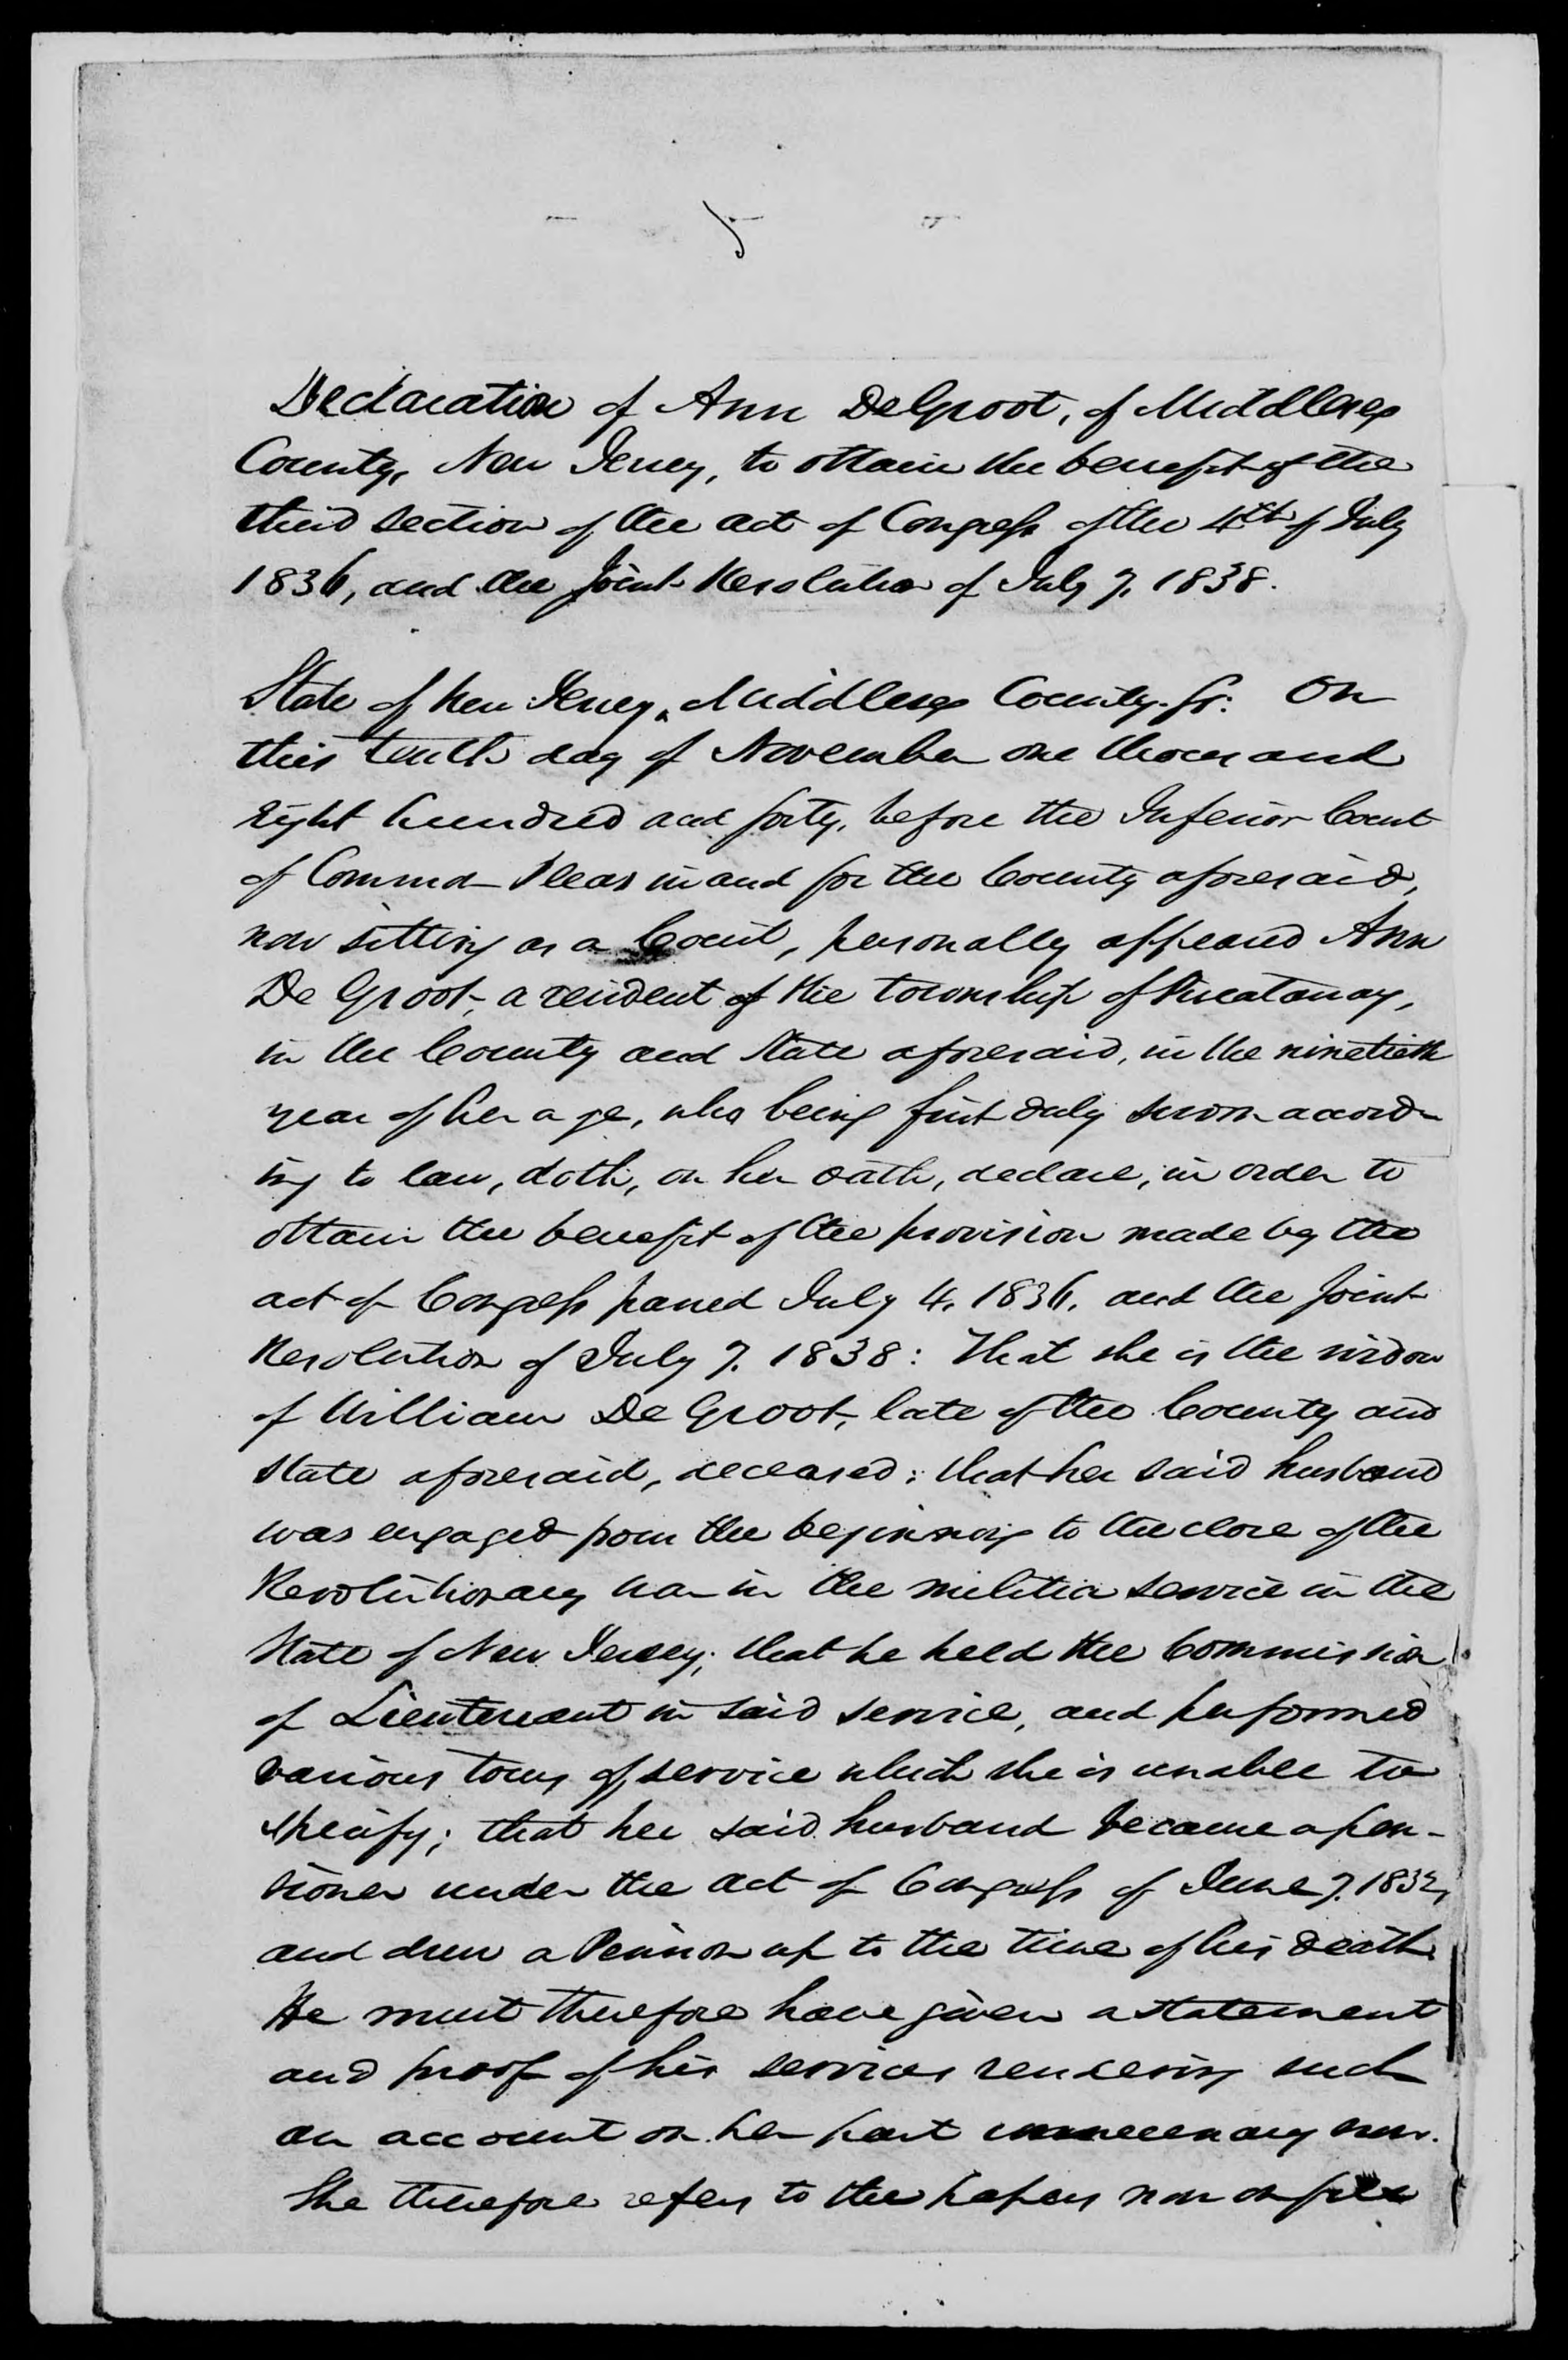Declaration of Ann DeGroot, of Middlesex County, New Jersey, to obtain the benefit of the third section of an Act of Congress after 4th of July 1836, and a Joint-Resolution of July 7, 1838.
State of New Jersey, Middlesex County Ss: on this tenth day of November one thousand eight hundred and forty, before the Inferior Court of Common Pleas in and for the County aforesaid, now sitting as a Court, personally appeared Ann DeGroot, a resident of the township of Piscataway in the County and state aforesaid, in the ninetieth year of her age, who being first duly sworn according to law, doth, on her oath, declare, in order to obtain the benefit of the provision made by the act of Congress passed July 4, 1836, and the Joint Resolution of July 7, 1838: That she is the widow of William DeGroot, late of the County and State aforesaid, deceased, that her said husband was engaged from the beginning to the close of the Revolutionary war in the militia service in the State of New Jersey, that he held the Commission of Lieutenant in said service, and performed various tours of service which she is unable to specify; that her said husband became a pensioner under the act of Congress of June 7, 1832, and drew a pension up to the time of his death. He must therefore have given a statement and proof of his services rendering such an account on her part unnecessary. She therefore refers to the papers now on file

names: Ann De Groot, Ann De Groot, William De Groot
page: 12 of 77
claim: widow's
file: W. 417, William De Groot, New Jersey